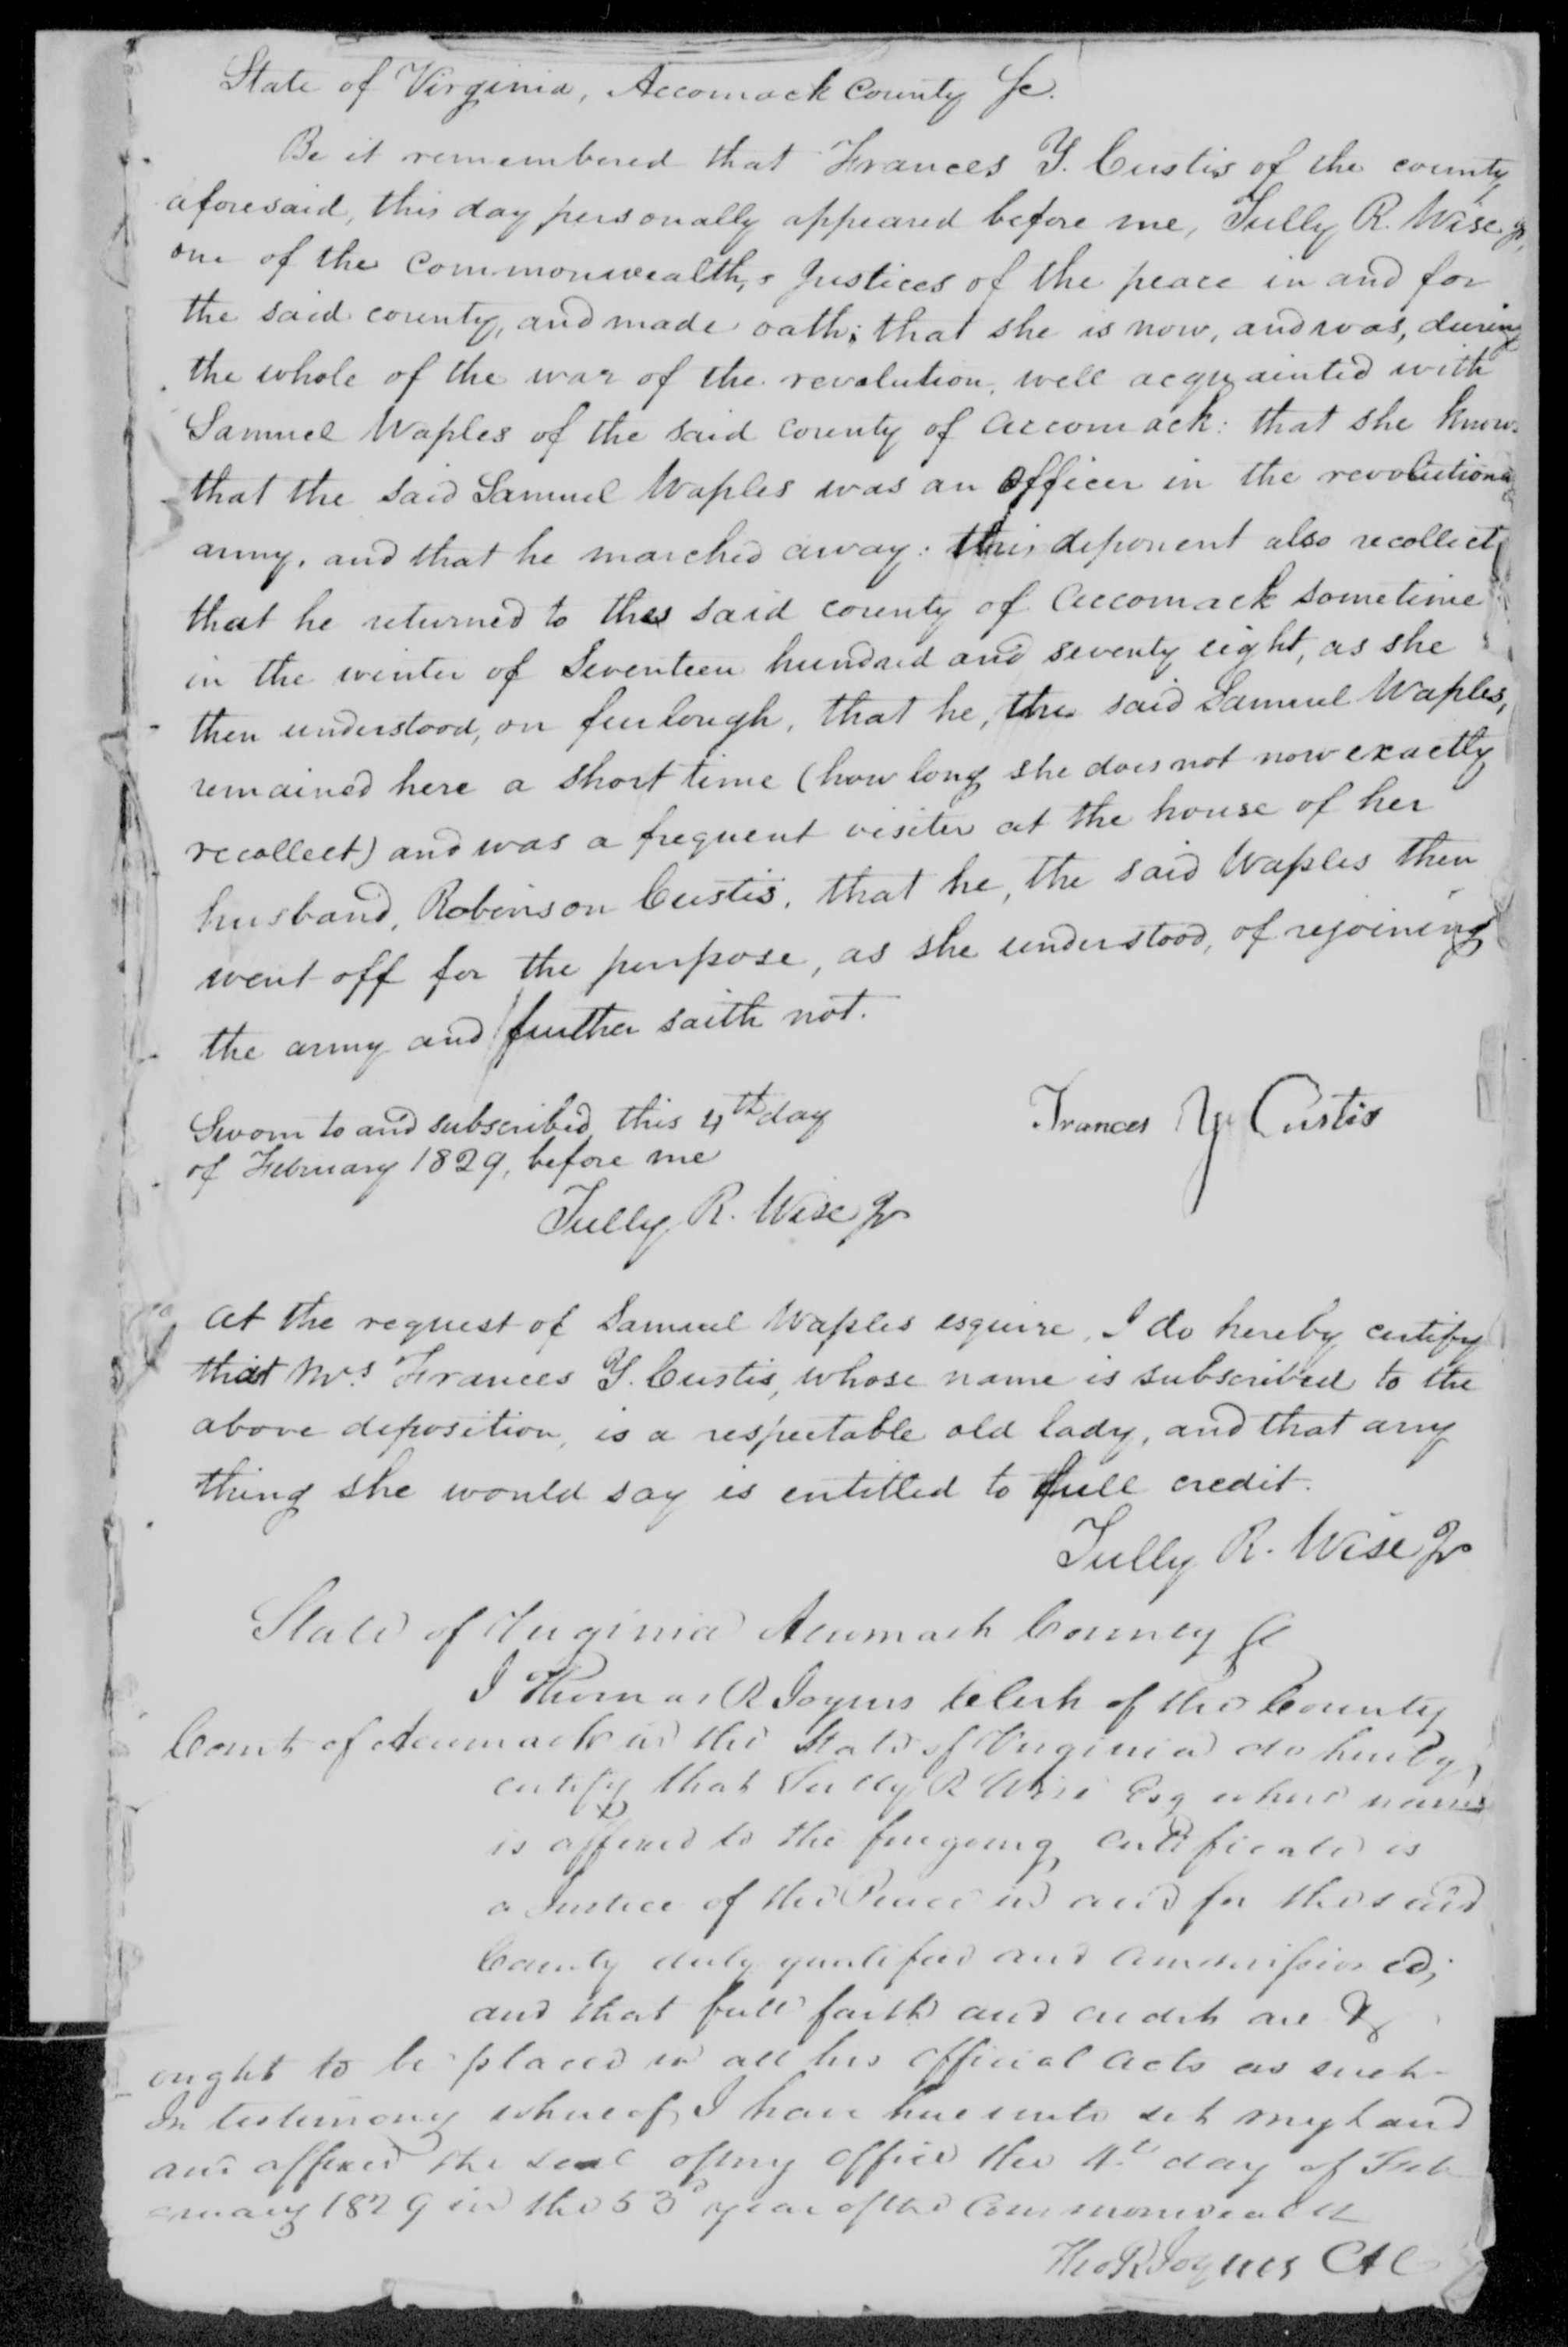State of Virginia, Accomack  County
Be it remembered that Frances Y Curtis of the county aforesaid, this day personally appeared before me, Tully R Wise, Jr of the commonwealths justices of the peace in and for the said county, and made oath that she is now and was during the whole of the war of the revolution, well acquainted with Samuel Waples of the said county of Accomack that she knew that the said Samuel Waples was an officer in the revolutionary army. and that he marched away this deponent also recollects that he returned to this said county of Accomack sometime in the winter of Seventeen hundred and seventy eight as she then understood on furlough, that he, the said Samuel Waples, remained here a short time (how log she doesn't now exactly recollect) and was a frequent visitor of the house of her husband, Robinson Curtis , that he, the said Waples then went off for the purpose, as she understood, of rejoining the army and further saith not. 
Sworn to and subscribed this 4th day of February 1829, before me Tully R. Wise Jr.
Francis Y Curtis
at the request of Samuel Waples esquire, I do certify that Mrs. Frances Y Curtis, whose name is subscribed to the above deposition is a respectable old lady and that any thing she would say is entitled to full credit.  
Tully R. Wise Jr.
State of Virginia Accomack County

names: Robinson Custis, Waples, Samuel Waples, Thomas R Joynes, Frances Y Custis, Samuel Waples, Frances Y Custis, Samuel Waples, Tully R Wise, Frances Y Custis, Tho R Joynes, Tully R Wise, Tully R Wise, Samuel Waples, Tully R Wise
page: 36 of 59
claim: widow's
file: W. 6427, Samuel Waples, Va.